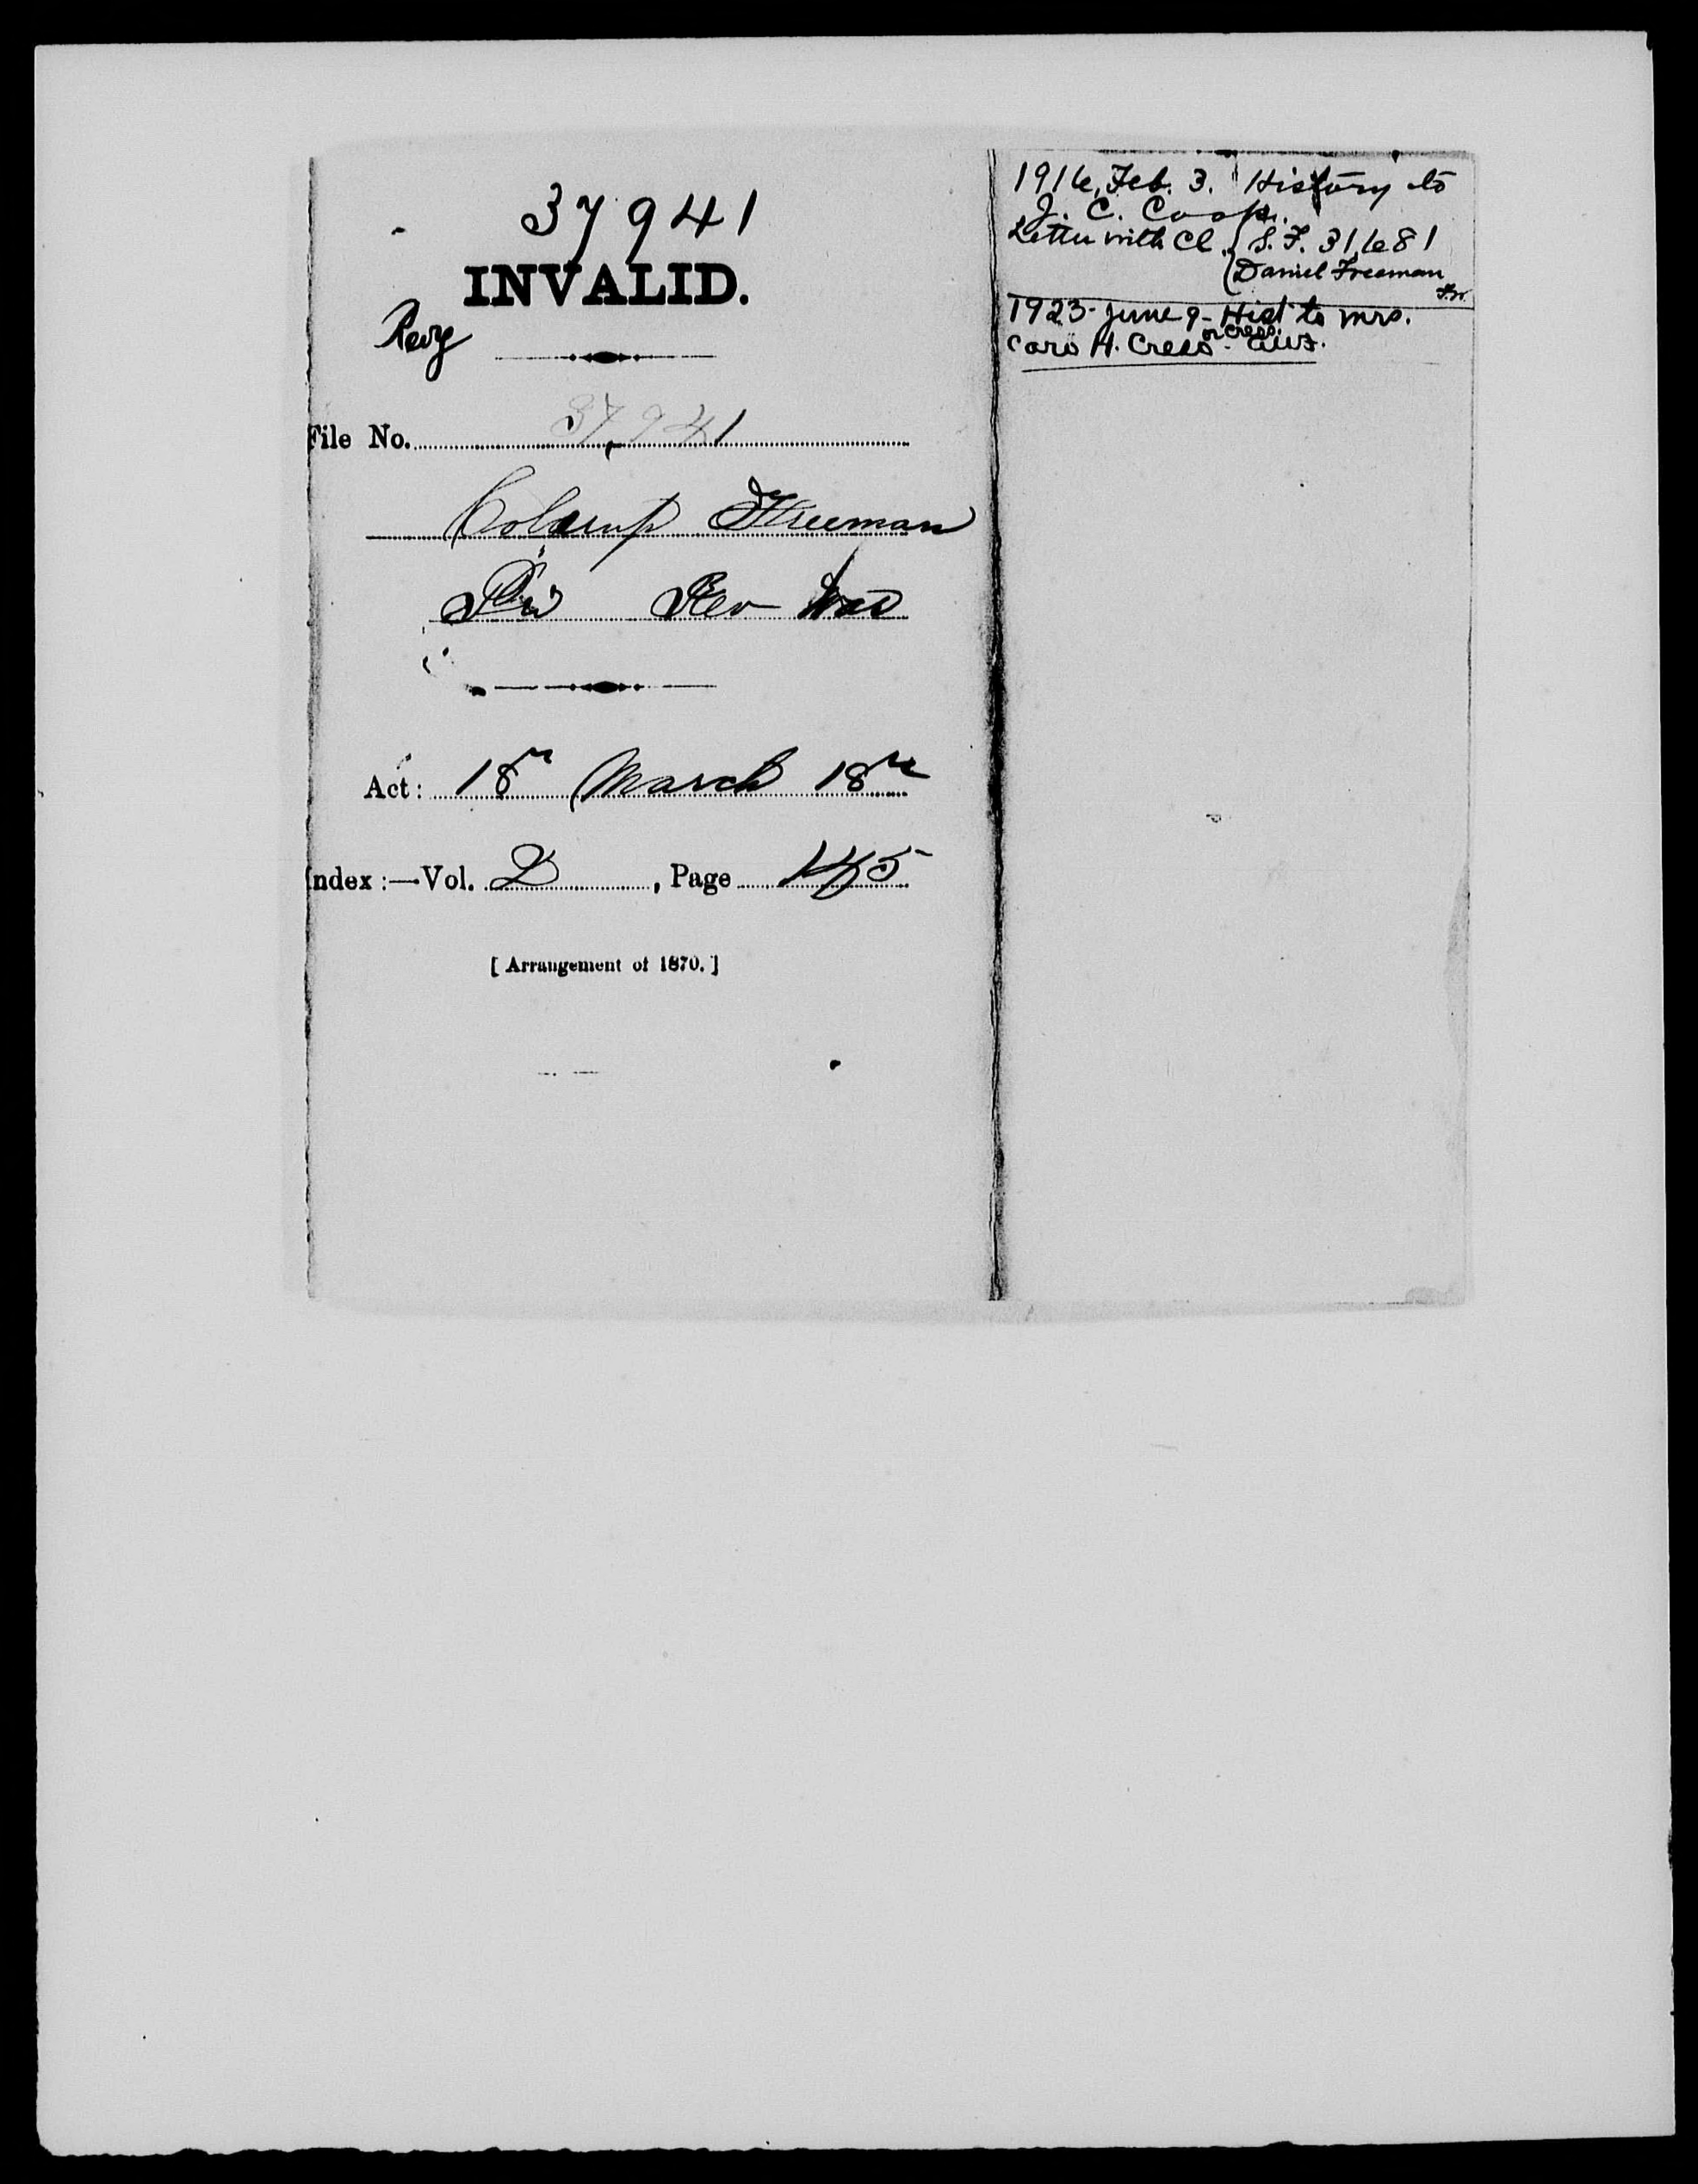37941
INVALID.
Revy

File No. 37941
Coldrup Freeman
Pvt Rev War

Act: 18th March 18[illegible]

Index:--Vol. D, Page 145

[Arrangement of 1870.]

1916, Feb. 3 History to J. C. Cook.  Letter with cl {S.F. 31681
{Daniel Freeman   f.n.

1923 - June 9 Hist. to Mrs. Caro H. Crees or Cress - aws.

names: J C Cook, Caro H Crees, Daniel Freeman, Coldrup Freeman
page: 12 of 15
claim: survivor's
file: S. 37,941, Coldrup Freeman, Va.